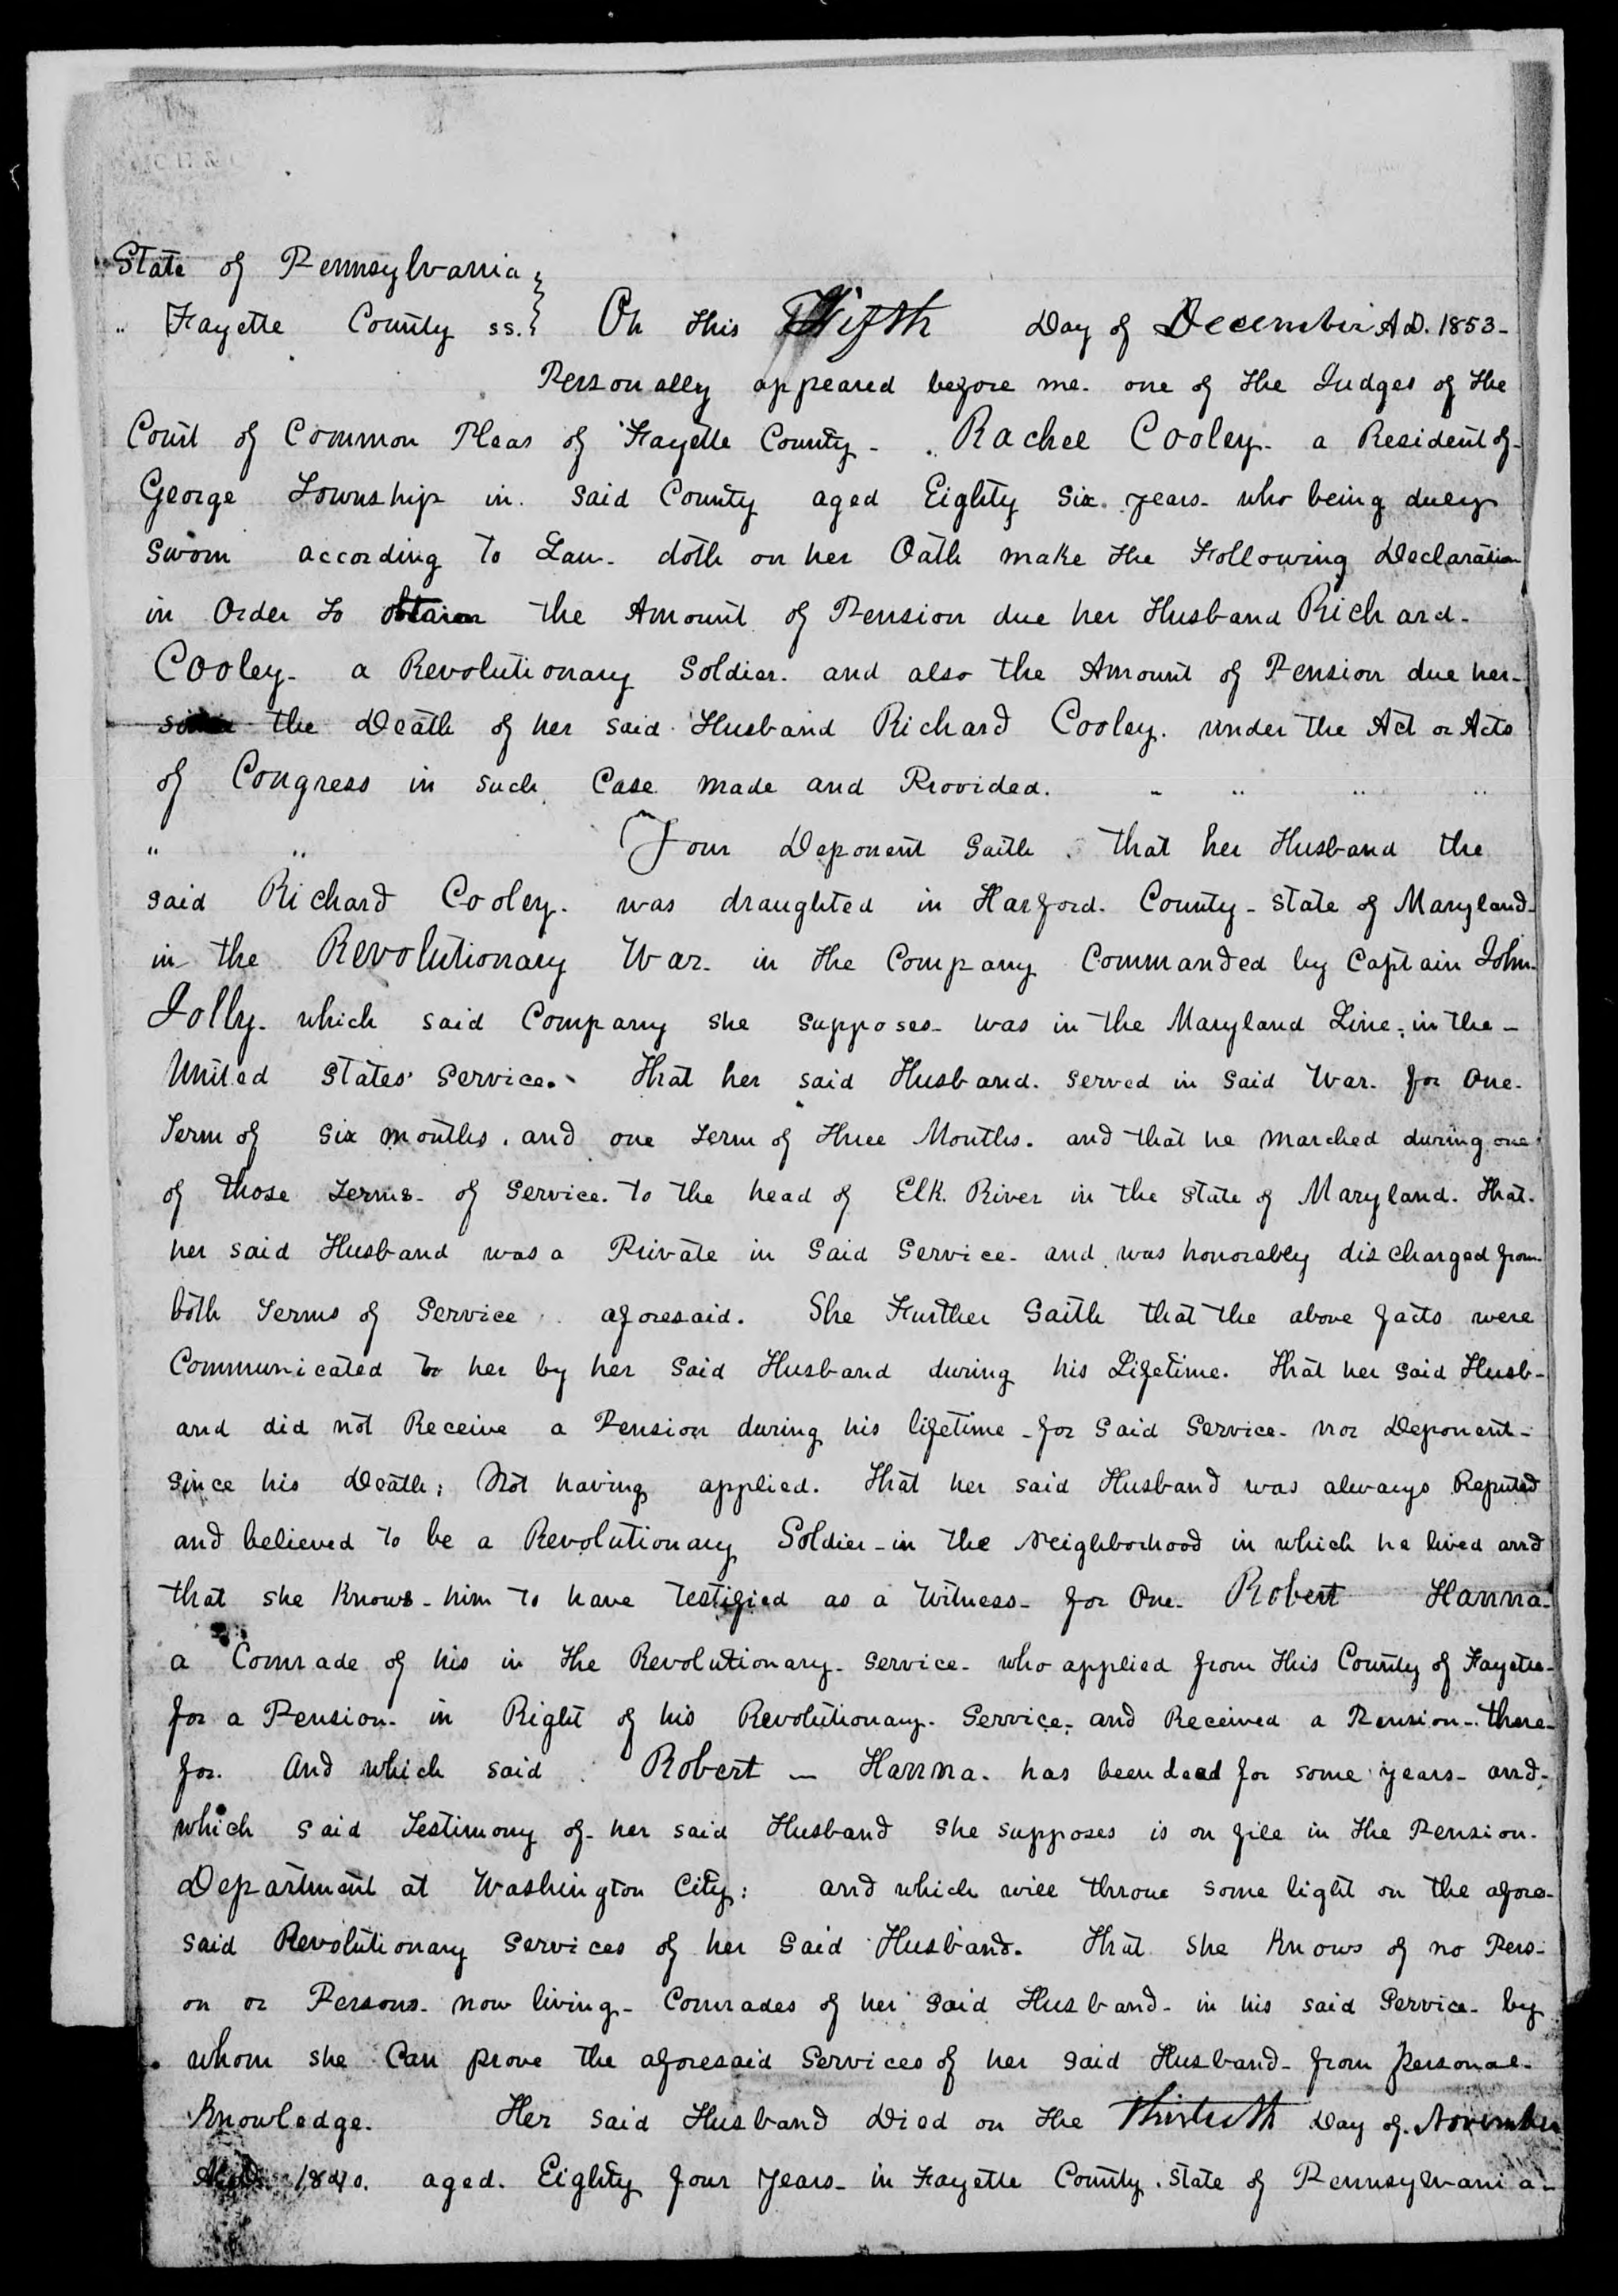State of Pennsylvania }
Fayette County ss }
On the Fifth day of December A.D. 1853-
Personally appeared before me one of the Judges of the Court of Common Pleas of Fayette County_ Rachel Cooley a Resident of George Township in said County aged Eighty six years who being duly sworn according to law doth on her Oath make the Following declaration in Order to obtain the Amount of Pension due her Husband Richard Cooley a Revolutionary Soldier and also the Amount of Pension due her [illegible] the Death of her said Husband Richard Cooley under the Acts of Congress in such Case Made and Provided. _ .. .. .. .. .. .. .. Four Deponent Saith that her Husband the said Richard Cooley was draughted in Harford County state of Maryland in the Revolutionary Ware in the Company Commanded by Captain John Jolly which said Company she supposes was in the Maryland Line in the United States Service.  that her said Husband served in said War for one term of six months and one term of three Months. and that he marched during one of those terms of service to the head of Elk River in the state of Maryland. That her said Husband was a Private. i said services and was honorably discharged from both terms of service aforesaid.  She further saith that the above facts were Communicated to her by her said Husband during his Lifetime.  That he said Husband did not Receive a Pension during his lifetime for said service, nor deponent, since his death.  Not having applied.  That her said Husband was always Reputed and believed to be a Revolutionary Soldier _ in the neighborhood in which he lived and that she knows _ him to have testified as a Witness_ for one Robert Hanna a comrade of his in the Revolutionary service who applied from this County of Fayette for a Pension in Right of his Revolutionary Service and Received a Pension therefore.  and which said Robert _ Hanna. has been dead for some years_ and which said Testimony of her said Husband she supposes is on file in the Pension Department at Washington City: and which will throw some light on the aforesaid Revolutionary Services of her said Husband.  that she knows of no person or persons now living_ Comrades of her said Husband_ in his said service by whom she can prove the aforesaid services of her said Husband from personal knowledge.  Her said Husband Died on the thirtieth day of November A.D. 11840. aged Eighty four years_ in Fayette County state of Pennsylvania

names: Robert Hanna, Richard Cooley, John Jolly, Richard Cooley, Rachel Cooley, Richard Cooley, Robert Hanna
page: 7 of 19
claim: rejected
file: R. 2,283, Richard Cooley, Md.